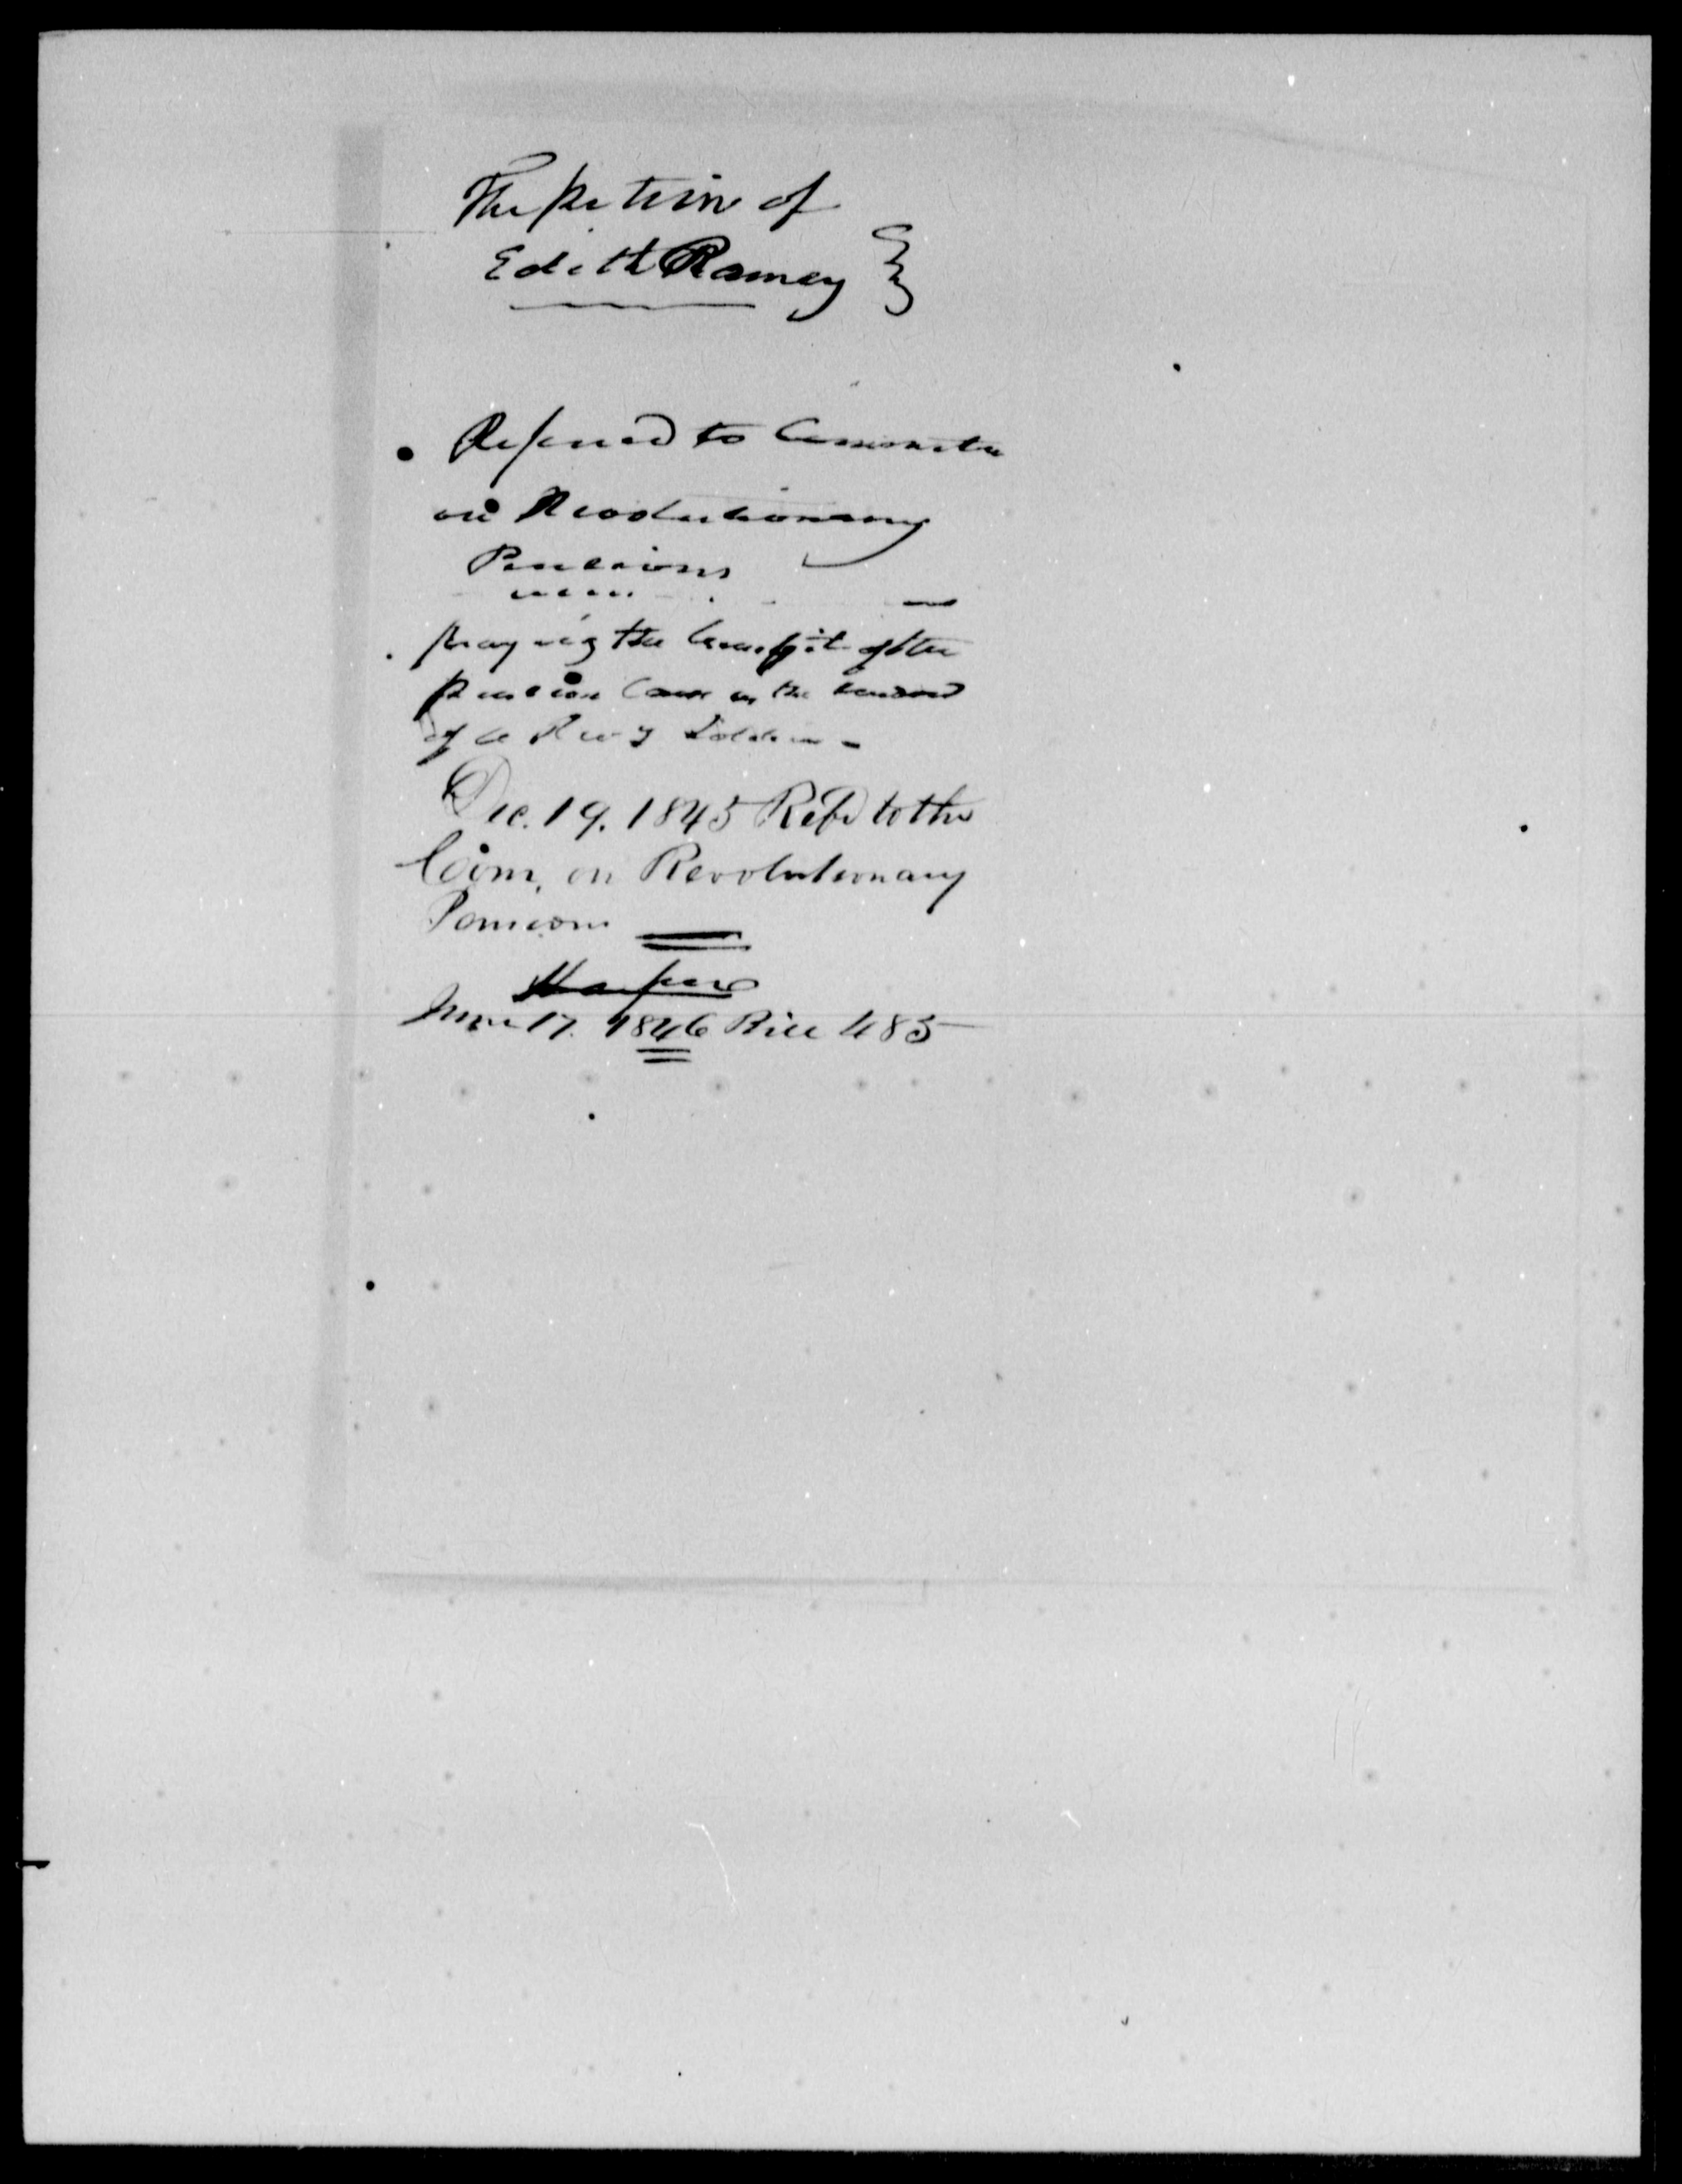The petiion of
Edith Ramey
Referred to Committee
on Revolutionary Pensions
praying the benefit of the pension laws as the widow of a Revy Soldier
Dec. 19, 1845 Refd to the
Com, on Revolutionary Pensions
Harper
June 17, 1846 Bill 485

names: Edith Ramey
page: 35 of 84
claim: widow's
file: W.11104, for John Remay, Virginia